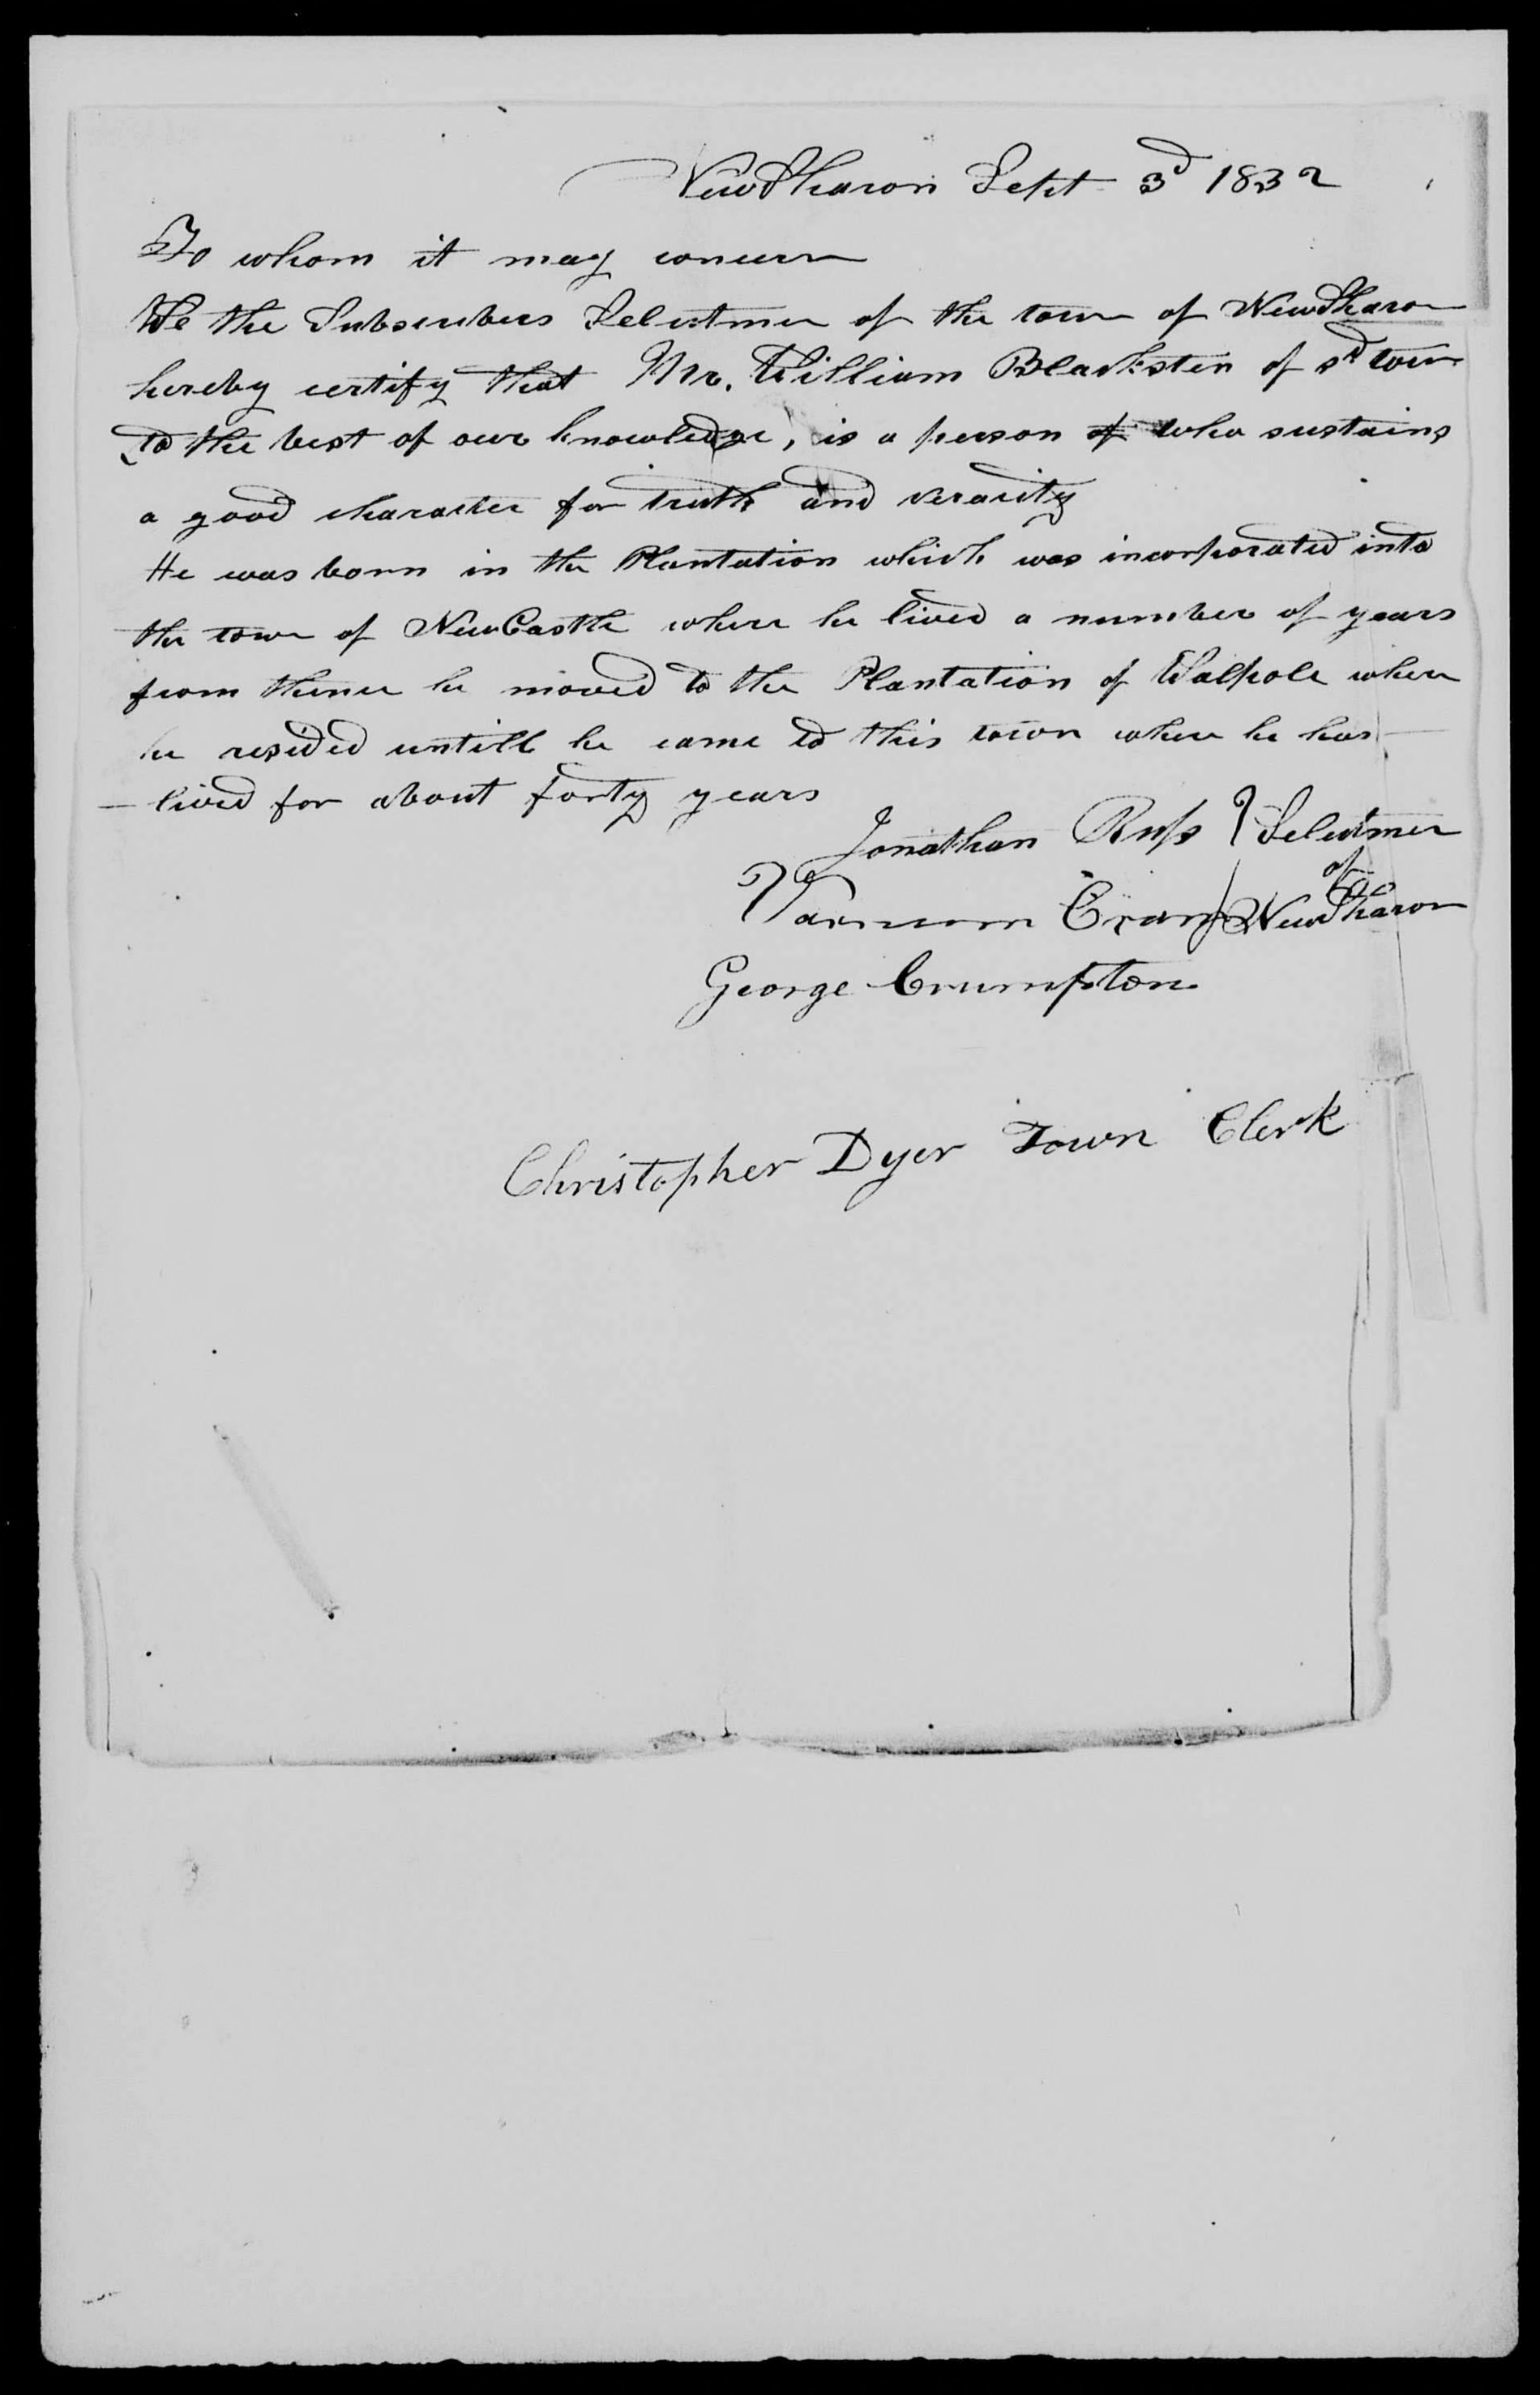New Sharon Sept 3d 1832
To whom it may concern
We the subscribers Selectmen of the town of New Sharon
hereby certify that Mr. William Blackston of said town
to the best of our knowledge, is a person of [crossed out: of] who sustains
a good character for truth and veracity
He was born in the Plantation which was incorporated into
the town of New Castle where he lived a number of years
from there he moved to the Plantation of Walpole where
he resided until he came to this town where he has
lived for about forty years.
Jonathan Russ Selectmen of New Sharon
Varnsom Craw
George Cumpton
Christopher Dyer Town Clerk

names: Jonathan Russ, William Blackston, George Crumpton, Christopher Dyer, Varnsom Craw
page: 14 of 14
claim: survivor's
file: S. 30,869, William Blackston, Mass.